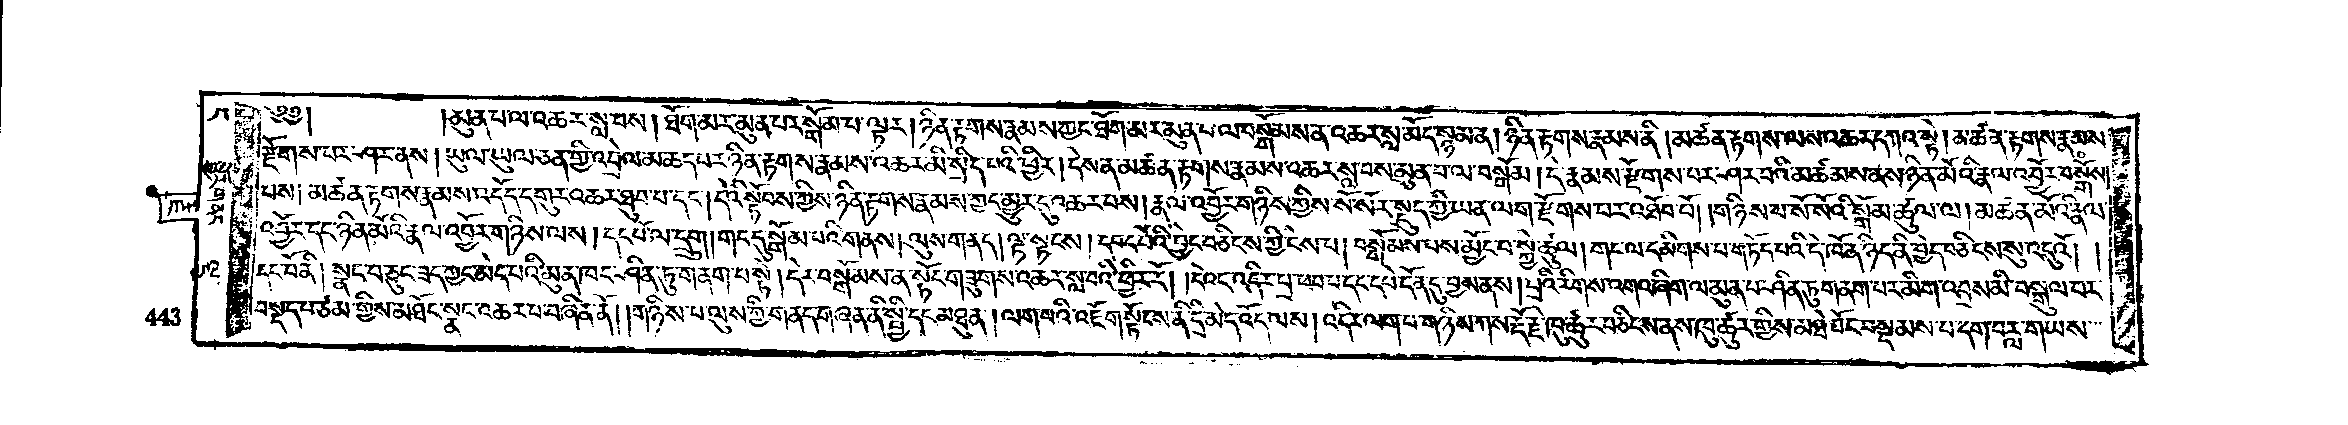༄༅། །མུན་པ་ལ་འཆར་སླ་བས། ཐོག་མར་མུན་པར་སྒོམ་པ་ལྟར། ཉིན་རྟགས་རྣམས་ཀྱང་ཐོག་མར་མུན་པ་ལ་བསྒོམས་ན་འཆར་སླ་མོད་སྙམ་ན། ཉིན་རྟགས་རྣམས་ནི། མཚན་རྟགས་ལས་འཆར་དཀའ་སྟེ། མཚན་རྟགས་རྣམས་
རྫོགས་པར་ཤར་ནས། ཡུལ་ཡུལ་ཅན་གྱི་འབྲེལ་མ་ཆད་པར་ཉིན་རྟགས་རྣམས་འཆར་མི་སྲིད་པའི་ཕྱིར། དེས་ན་མཚན་རྟགས་རྣམས་འཆར་སླ་བས་མུན་པ་ལ་བསྒོམ། དེ་རྣམས་རྫོགས་པར་ཤར་བའི་མཚམས་ནས་ཉིན་མོའི་རྣལ་འབྱོར་བསྒོམས་
པས། མཚན་རྟགས་རྣམས་འདོད་དགུར་འཆར་ཐུབ་པ་དང་། དེའི་སྟོབས་ཀྱིས་ཉིན་རྟགས་རྣམས་ཀྱང་མྱུར་དུ་འཆར་བས། རྣལ་འབྱོར་གཉིས་ཀྱིས་སོ་སོར་སྡུད་ཀྱི་ཡན་ལག་རྫོགས་པར་འཐོབ་པོ། །གཉིས་པ་སོ་སོའི་སྒོམ་ཚུལ་ལ། མཚན་མོའི་རྣལ་
འབྱོར་དང་ཉིན་མོའི་རྣལ་འབྱོར་གཉིས་ལས། དང་པོ་ལ་དྲུག །གང་དུ་སྒོམ་པའི་གནས། ལུས་གནད། ལྟ་སྟངས། དབང་པོའི་བྱེད་བཅིངས་ཀྱི་ངེས་པ། བསྒོམས་པས་མྱོང་བ་སྐྱེ་ཚུལ། གང་ལ་དམིགས་པ་གཏོད་པའི་དེ་ཁོ་ན་ཉིད་ནི་བྱེད་བཅིངས་སུ་འདུའོ། །
དང་པོ་ནི། སྣང་བ་ཅུང་ཟད་ཀྱང་མེད་པའི་མུན་ཁང་ཤིན་ཏུ་གནག་པ་སྟེ། དེར་བསྒོམས་ན་སྟོང་གཟུགས་འཆར་སླ་བའི་ཕྱིར་རོ། །དེའང་འདིར་ཕྲ་ཕབ་པ་དང་དཔེ་དོན་དུ་བྱས་ནས། པྲའི་རིགས་འགའ་ཞིག་ལ་མུན་པ་ཤིན་ཏུ་གནག་པར་མིག་འབྲས་མི་བསྒུལ་པར་
བསྡད་པ་ཙམ་གྱིས་མཐོང་སྣང་འཆར་པ་བཞིན་ནོ། །གཉིས་པ་ལུས་ཀྱི་གནད་གཞན་ནི་སྤྱི་དང་མཐུན། ལག་པའི་འཇོག་སྟོངས་ནི་དྲི་མེད་འོད་ལས། འདིར་ལག་པ་གཉིས་ཀས་རྡོ་རྗེ་ཁུ་ཚུར་བཅིངས་ནས་ཁུ་ཚུར་གྱིས་མཐེ་བོང་བསྡམས་པ་དག་བརླ་གཡས་